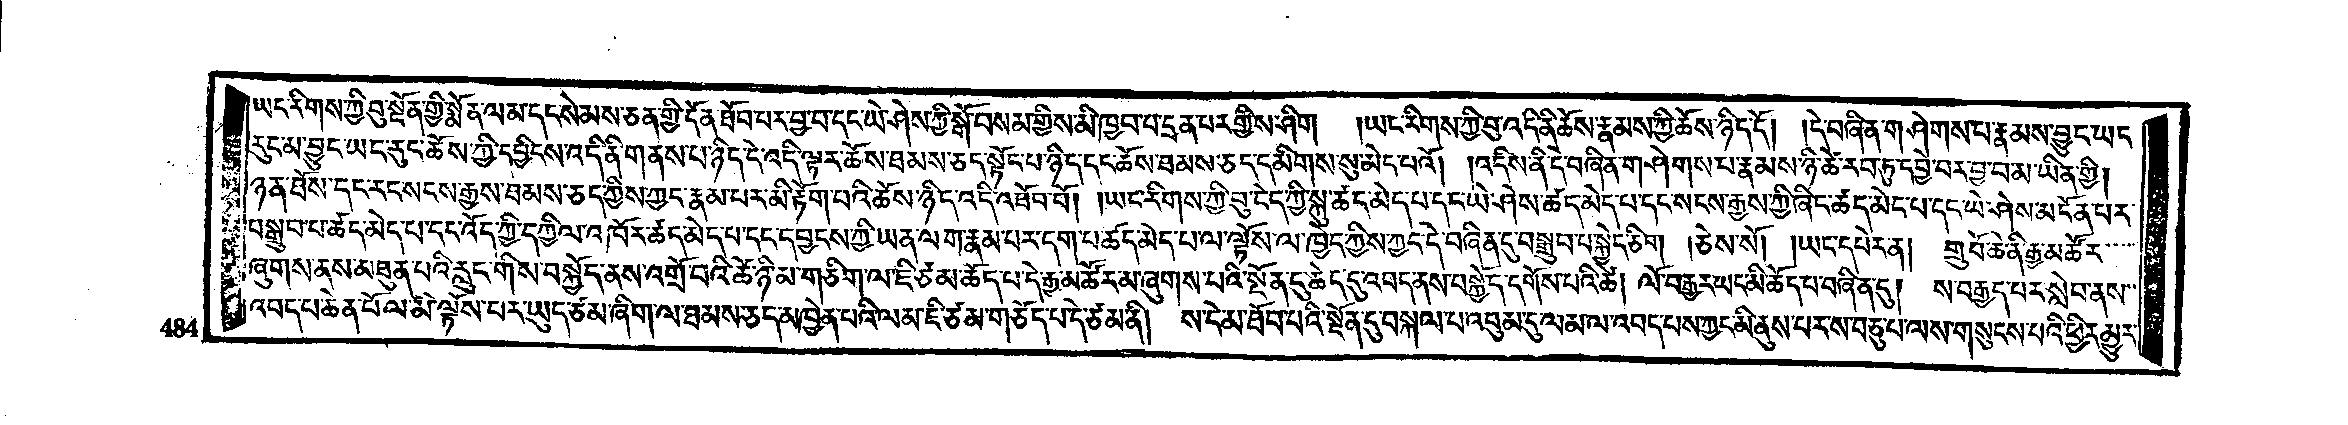ཡང་རིགས་ཀྱི་བུ་སྔོན་གྱི་སྨོན་ལམ་དང་སེམས་ཅན་གྱི་དོན་ཐོབ་པར་བྱ་བ་དང་ཡེ་ཤེས་ཀྱི་སྒོ་བསམ་གྱིས་མི་ཁྱབ་པ་དྲན་པར་གྱིས་ཤིག །ཡང་རིགས་ཀྱི་བུ་འདི་ནི་ཆོས་རྣམས་ཀྱི་ཆོས་ཉིད་དོ། །དེ་བཞིན་གཤེགས་པ་རྣམས་བྱུང་ཡང་
རུང་མ་བྱུང་ཡང་རུང་ཆོས་ཀྱི་དབྱིངས་འདི་ནི་གནས་པ་ཉིད་དེ་འདི་ལྟར་ཆོས་ཐམས་ཅད་སྟོང་པ་ཉིད་དང་ཆོས་ཐམས་ཅད་དམིགས་སུ་མེད་པའོ། །འདིས་ནི་དེ་བཞིན་གཤེགས་པ་རྣམས་ཉི་ཚེ་རབ་ཏུ་དབྱེ་བར་བྱ་བ་མ་ཡིན་གྱི།
ཉན་ཐོས་དང་རང་སངས་རྒྱས་ཐམས་ཅད་ཀྱིས་ཀྱང་རྣམ་པར་མི་རྟོག་པའི་ཆོས་ཉིད་འདི་འཐོབ་བོ། །ཡང་རིགས་ཀྱི་བུ་ངེད་ཀྱི་སྐུ་ཚད་མེད་པ་དང་ཡེ་ཤེས་ཚད་མེད་པ་དང་སངས་རྒྱས་ཀྱི་ཞིང་ཚད་མེད་པ་དང་ཡེ་ཤེས་མངོན་པར་
བསྒྲུབ་པ་ཚད་མེད་པ་དང་འོད་ཀྱི་དཀྱིལ་འཁོར་ཚད་མེད་པ་དང་དབྱངས་ཀྱི་ཡན་ལག་རྣམ་པར་དག་པ་ཚད་མེད་པ་ལ་ལྟོས་ལ་ཁྱེད་ཀྱིས་ཀྱང་དེ་བཞིན་དུ་བསྒྲུབ་པ་སྐྱེད་ཅིག །ཅེས་སོ། །ཡང་དཔེར་ན། གྲུ་བོ་ཆེ་ནི་རྒྱ་མཚོར་
ཞུགས་ནས་མཐུན་པའི་རླུང་གིས་བསྐྱོད་ནས་འགྲོ་བའི་ཚེ་ཉི་མ་གཅིག་ལ་ཇི་ཙམ་ཆོད་པ་དེ་རྒྱ་མཚོར་མ་ཞུགས་པའི་སྔོན་དུ་ཆེད་དུ་འབད་ནས་བསྐྱོད་དགོས་པའི་ཚེ། ལོ་བརྒྱར་ཡང་མི་ཆོད་པ་བཞིན་དུ། ས་བརྒྱད་པར་སླེབ་ནས་
འབད་པ་ཆེན་པོ་ལ་མི་ལྟོས་པར་ཡུད་ཙམ་ཞིག་ལ་ཐམས་ཅད་མཁྱེན་པའི་ལམ་ཇི་ཙམ་གཅོད་པ་དེ་ཙམ་ནི། ས་དེ་མ་ཐོབ་པའི་སྔོན་དུ་བསྐལ་པ་འབུམ་དུ་ལམ་ལ་འབད་པས་ཀྱང་མི་ནུས་པར་ས་བཅུ་པ་ལས་གསུངས་པའི་ཕྱིར་མྱུར་